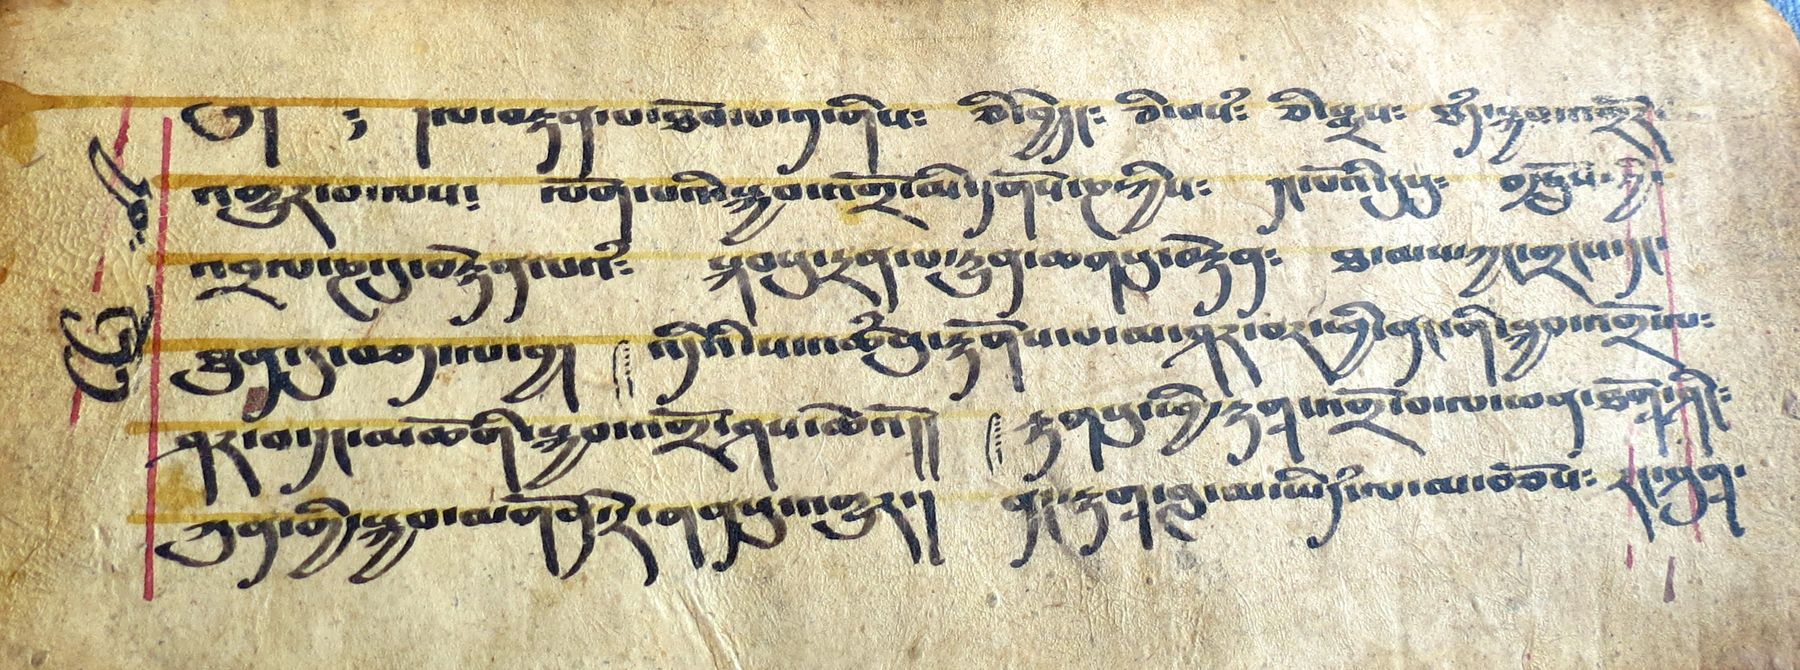ལ་བརྟན་པ་ཐོབ་པ་ཞིག་གིས་ཅི་བྱེད་ཅི་བསམ་ཅི་སྨྲས་ཐམས་ཅད་སྐྱབས་འགྲོར་གྱུར་
པ་ལས། ལོག་པའི་སྐྱབས་འགྲོ་མི་དགོས་མོད་ཀྱི། དང་པོའི་དུས་སུ་བརྩོན་འགྲུས་ཀྱིས་
འབྲལ་མེད་དུ་བརྟེན་པའམ། སྐབས་སུ་དྲན་པ་རྒྱུན་ཆགས་སུ་བསྟེན་པའམ། ཐ་མས་ཀྱང་གྲངས་དང་
ཐུན་དུ་བཅད་ལ་བྱ། འདིའི་སོ་མཚམས་ནི་རྟོགས་པ་མ་ཤར་བར་ཕྱི་ནང་གི་སྐྱབས་འགྲོ་ལ། 
ཤར་བ་དང་མཆོག་གི་སྐྱབས་འགྲོ་ཤས་ཆེའོ། རྟགས་སུ་ཕྱི་རྟགས་ལ་འགྲོ་བ་ལ་ཕན་ཐོགས་ཤིང་། 
ཀུན་གྱི་སྐྱབས་མགོན་དང་རེ་གནས་སུ་འགྱུར། ནང་རྟགས་བླ་མ་ཡི་དམ་ལ་མ་བཅོས་རང་ཤུགས་